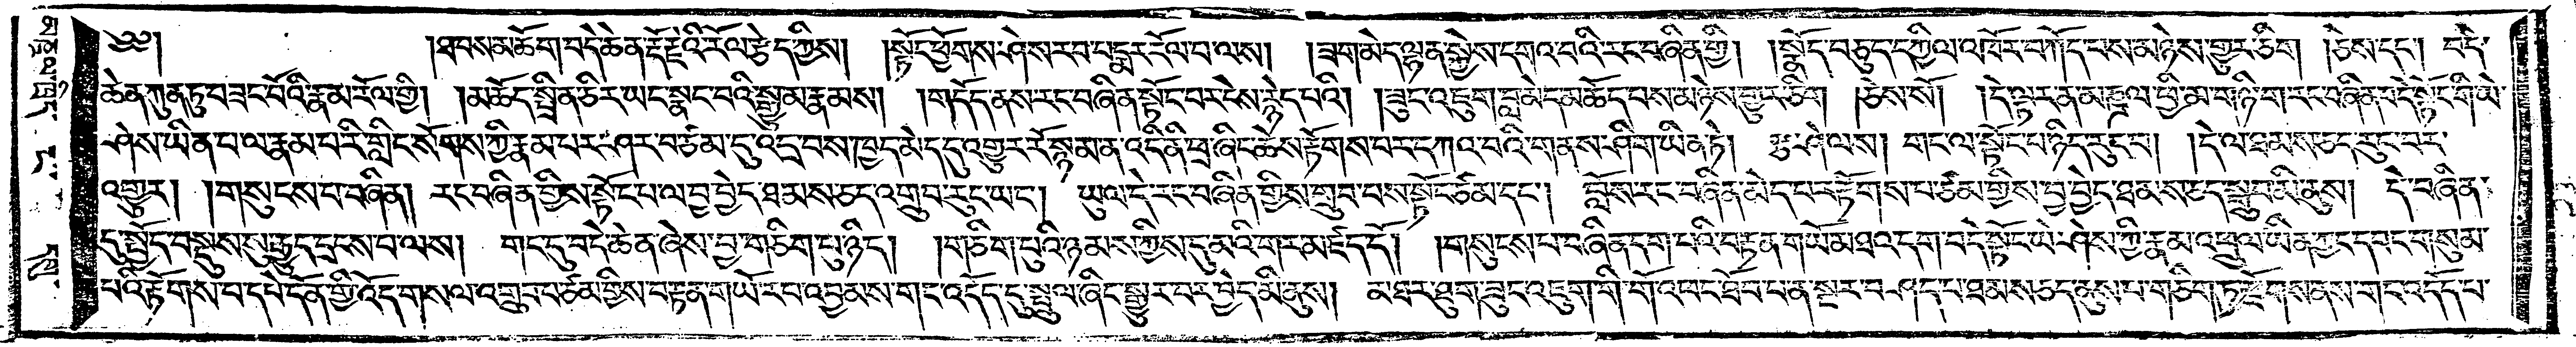༄༅། །ཐབས་མཆོག་བདེ་ཆེན་རྡོ་རྗེའི་རོལ་རྩེད་ཀྱིས། །སྟོང་ཕྱོགས་ཤེས་རབ་པདམར་རོལ་བ་ལས། །ཟག་མེད་ལྷན་སྐྱེས་དགའ་བའི་རང་བཞིན་གྱི། །སྣོད་བཅུད་དཀྱིལ་འཁོར་བཀོད་པས་མཉེས་གྱུར་ཅིག །ཅེས་དང་། བདེ་
ཆེན་ཀུན་ཏུ་བཟང་པོའི་རྣམ་རོལ་གྱི། །མཆོད་སྤྲིན་ཅིར་ཡང་སྣང་བའི་སྒྱུ་མ་རྣམས། །གདོད་ནས་རང་བཞིན་སྟོང་བར་ངེས་རྙེད་བའི། །ཟུང་འཇུག་བླ་མེད་མཆོད་པས་མཉེས་གྱུར་ཅིག །ཅེས་སོ། །དེ་ལྟར་ན་མཎྜལ་ཕྱི་མ་གཉི་ག་རང་བཞིན་བདེ་སྟོང་ག་ལེ་
ཤེས་ཡིན་པ་ལ་རྣམ་པ་རི་གླིང་སོགས་ཀྱི་རྣམ་པར་ཤར་བཙམ་དུ་འདྲ་བས་ཁྱད་མེད་དུ་འགྱུར་རོ་སྙམ་ན་འདི་ནི་ཕྲ་ཞིང་ཆེས་རྟོགས་པར་དཀའ་པའི་གནས་ཤིག་ཡིན་ཏེ། རྩ་ཤེ་ལས། གང་ལ་སྟོང་བ་ཉིད་རུང་བ། །དེ་ལ་ཐམས་ཅད་རུང་བར་
འགྱུར། །གསུངས་པ་བཞིན། རང་བཞིན་གྱིས་སྟོང་པ་ལ་བྱ་བྱེད་ཐམས་ཅད་འགྱུར་རུང་ཡང་། ཡུལ་དེ་རང་བཞིན་གྱིས་གྲུབ་བས་སྟོང་ཙམ་དང་། བློས་རང་བཞིན་མེད་བར་རྟོགས་པ་རྩམ་གྱིས་བྱ་བྱེད་ཐམས་ཅད་སྒྲུབ་མི་ནུས། དེ་བཞིན་
དུ་སྤྱོད་བསྡུས་སུ་རྒྱུད་དྲངས་པ་ལས། གང་དུ་བདེ་ཆེན་ཞེས་བྱ་གཅིག་པུ་ཉིད། །གཅིག་པུའི་ཉམས་ཀྱིས་དུ་མའི་གར་མཛད་དོ། །གསུངས་པ་བཞིན་དག་པའི་བརྟན་གཡོ་མཐའ་དག་བདེ་སྟོང་ཡེ་ཤེས་ཀྱི་རྣམ་འཕྲུལ་ཡིན་ཀྱང་དབང་གསུམ་
པའི་རྟོགས་པ་དཔེ་དོན་གྱི་འོད་གསལ་འགྲུབ་པ་ཙམ་གྱིས་བརྟན་གཡོ་རབ་འབྱམས་གང་འདོད་དུ་སྤྲུལ་ཞིང་སྒྱུར་བར་བྱེད་མི་ནུས། མཐར་ཐུག་ཟང་འཇུག་གི་གོ་འཕང་ཐོབ་པ་ན་སྔར་བཤད་པ་ཐམས་ཅད་ནུས་པ་གཅིག་ཏུ་རྫོགས་ནས་གང་འདོད་པ་